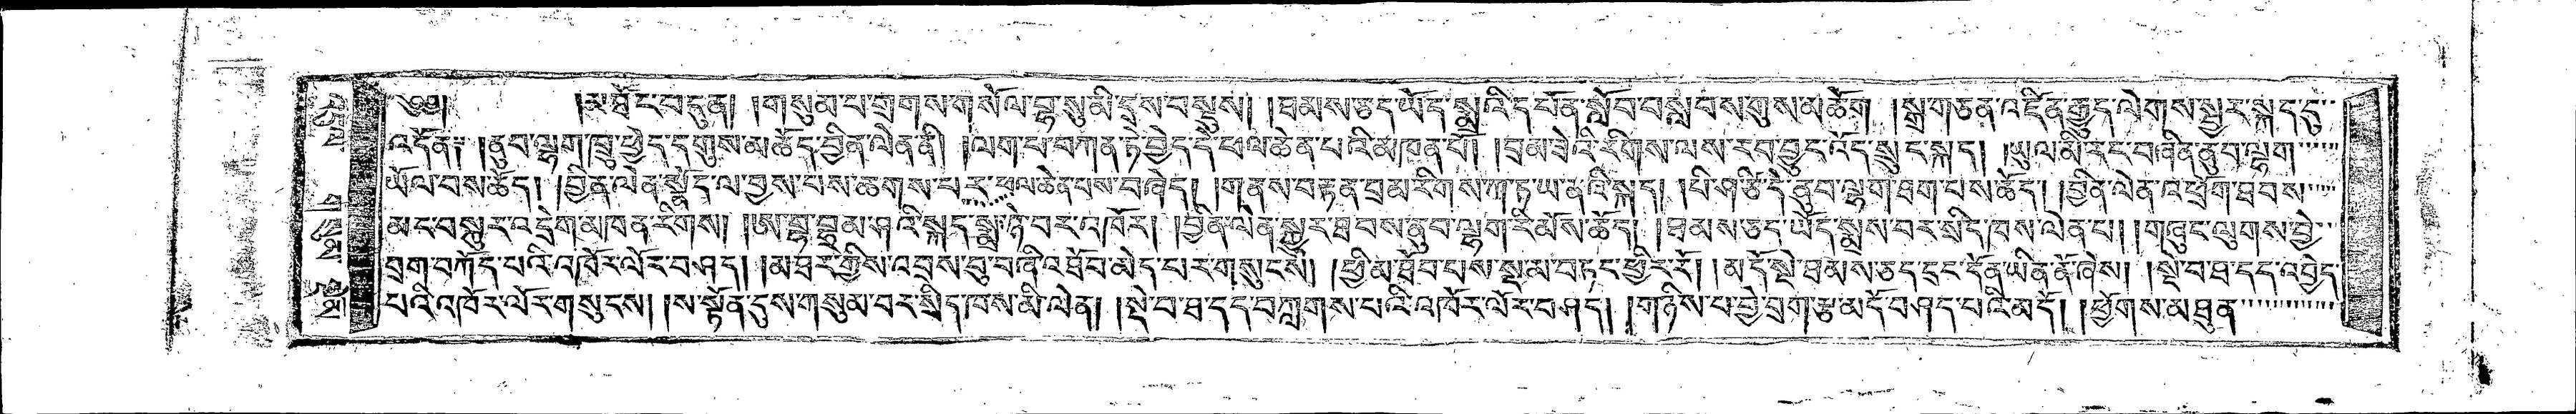༄༅། །མཐོང་བདུན། །གསུམ་པ་གྲགས་གསོལ་བྷ་སུ་མི་དྲས་བསྡུས། །ཐམས་ཅད་ཡོད་སྨྲའི་དཔོན་སློབ་བསླབས་གུས་མཆོག །སྒྲ་གཅན་འཛིན་རྒྱུད་ལེགས་སྦྱར་སྐད་དུ་
འདོན༑ །ནུབ་ལྷག་ཁྲུ་ཕྱེད་དགུས་མཆོད་བྱིན་ལེན་ནི། །ལག་པ་བཀན་ཏེ་བྱེད་དེ་ཕལ་ཆེན་པའི་མཁན་པོ། །བྲམ་ཟེའི་རིགས་ལས་རབ་བྱུང་འོད་སྲུང་སྐད། །ཡུལ་མི་རང་བཞིན་ནུབ་ལྷག་
ཡོལ་བས་ཆོད། །བྱིན་ལེན་སྣོད་ལ་བྱས་པས་ཆགས་པར་ཕལ་ཆེན་པས་བཞེད། །གནས་བརྟན་བྲམ་རིགས་ཀ་ཏ་ཡ་ནའི་སྐད། །པི་ཤ་ཙི་དེ་ནུབ་ལྷག་ཐག་པས་ཚེད། །བྱིན་ལེན་འཕྲོག་ཐབས་
མང་བསྐུར་འདྲེག་མཁན་རིགས། །ཨ་བྷ་བྷྲམ་ཤའི་སྐད་སྨྲ་ཉེ་བར་འཁོར། །བྱིན་ལེན་སྐྱུར་ཐབས་ནུབ་ལྷག་རི་མོས་ཆོད། །ཐམས་ཅད་ཡོད་སྨྲས་བར་སྲིད་ཁས་ལེན་པ། །གཞུང་ལུགས་བྱེ་
བྲག་བཀོད་པའི་འཁོར་ལོར་བཤད། །མཐར་གྱིས་འབྲས་བུ་བཞི་འཐོབ་མེད་པར་གསུངས། །ཕྱི་མ་ཐོབ་པས་སྔ་མ་བཏང་ཕྱིར་རོ། །མདོ་སྡེ་ཐམས་ཅད་དྲང་དོན་ཡིན་ནོ་ཞེས། །སྡེ་བ་ཐ་དད་འབྱེད་
པའི་འཁོར་ལོར་གསུངས། །ས་སྟོན་དུས་གསུམ་བར་སྲིད་ཁས་མི་ལེན། །སྡེ་བ་ཐ་དད་བཀླགས་པའི་འཁོར་ལོར་བཤད། །གཉིས་པ་བྱེ་བྲག་རྩ་མདོ་བཤད་པའི་མདོ། །ཕྱོགས་མཐུན་